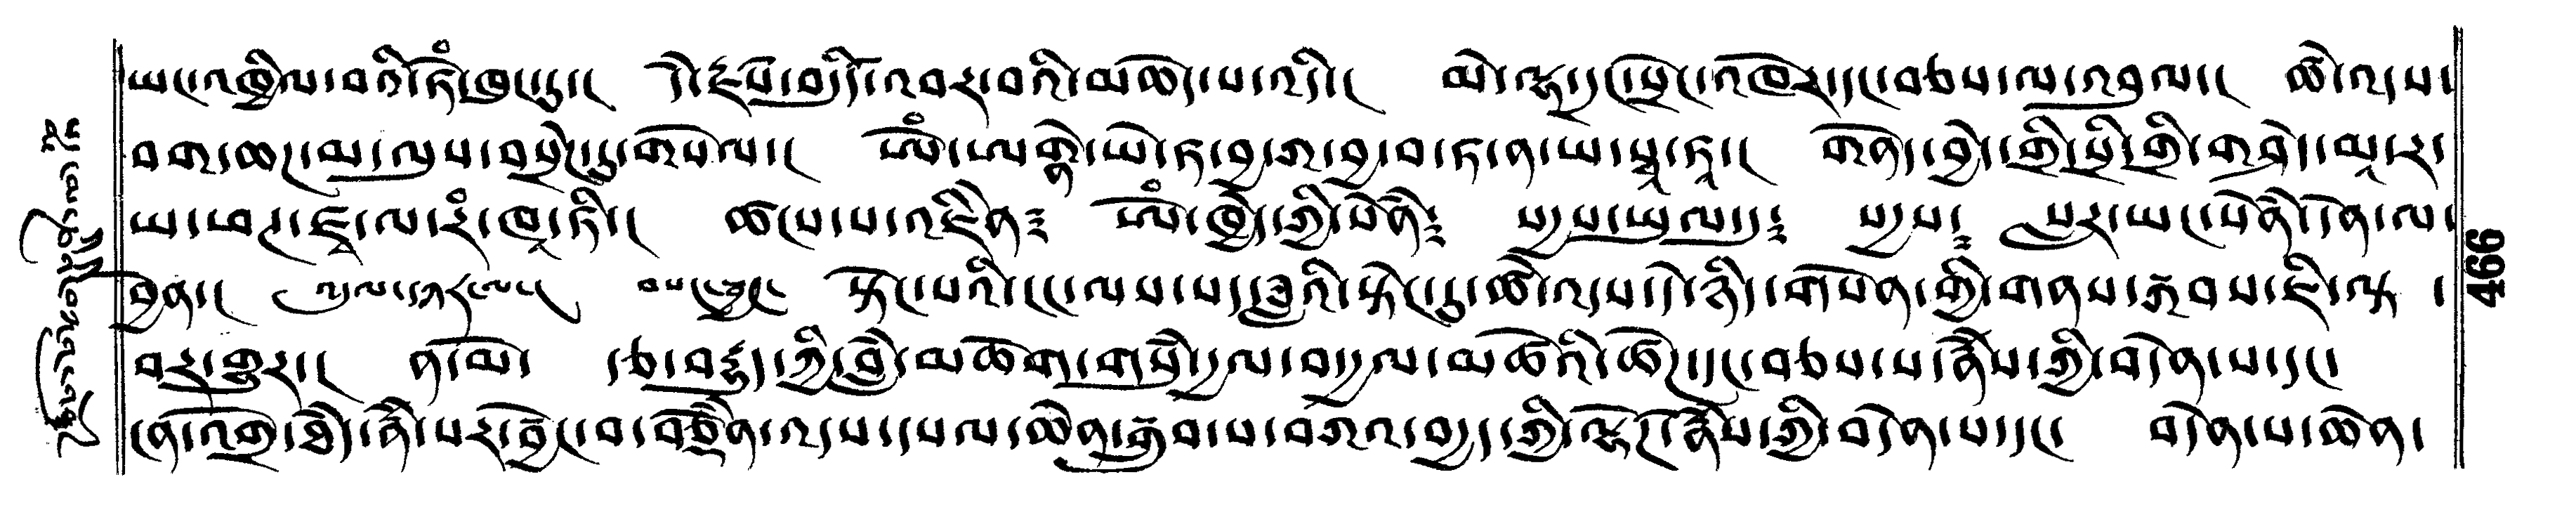ཡངས་འཁྱིལ་བའི་ཧོམ་ཁུང་དུ། །དམ་རྫས་བདུད་རྩི་འབར་བའི་མཆོད་པ་འདི། །མེ་ལྷ་དྲང་སྲོང་འཁོར་དང་བཅས་ལ་འབུལ། །ཚེ་འདས་
བག་ཆགས་མ་ལུས་བསྲེག་ཏུ་གསོལ། ཨོཾ་ཨགྣེ་ཡེ་ཧ་བྱ་ཀ་བྱ་བ་ཧ་ན་ཡ་སྭ་ཧཱ། གནོད་བྱེད་གྲི་སྲི་གྲི་གཤེད་མཱ་ར་
ཡ་ཕཊ་ཛྭ་ལ་རཾ་ཁཱ་ཧིཿ ཚངས་པ་འཇིག་རྟེན༴ ཨོཾ། ཁྱེད་ཀྱི་སེམས་ཅན༴ སངས་རྒྱས་ཡུལ་དུ༴ སངས་རྒྱས༴ སླར་ཡང་སེམས་ཅན་དོན་ལ་
བྱོན། འདུལ་དཀར་ལ། བསང་སྦྱང་། སྟོང་པའི་ངང་ལས་པད་ཟླའི་སྟེང་དུ་ཚེ་འདས་དེ་ཉིད་གསོན་གྱི་གནས་སྐབས་ཇི་ལྟ་
བར་གྱུར། ན་མོ། རྩ་བརྒྱུད་ཀྱི་བླ་མ་མཆོག་གསུམ་རྒྱལ་བ་རྒྱལ་མཚོའི་ཚོགས་དང་བཅས་པ་རྣམས་ཀྱི་བདེན་པ་དང་། 
ངན་འགྲོ་ཐམས་ཅད་རྣམ་པར་སྦྱོང་བ་བཅོམ་ལྡན་འདས་དཔལ་ཆེན་སྒྲུབ་པ་བཀའ་བརྒྱད་ཀྱི་ལྷ་ཚོགས་རྣམས་ཀྱི་བདེན་པ་དང་། བདེན་པ་ཆེན་